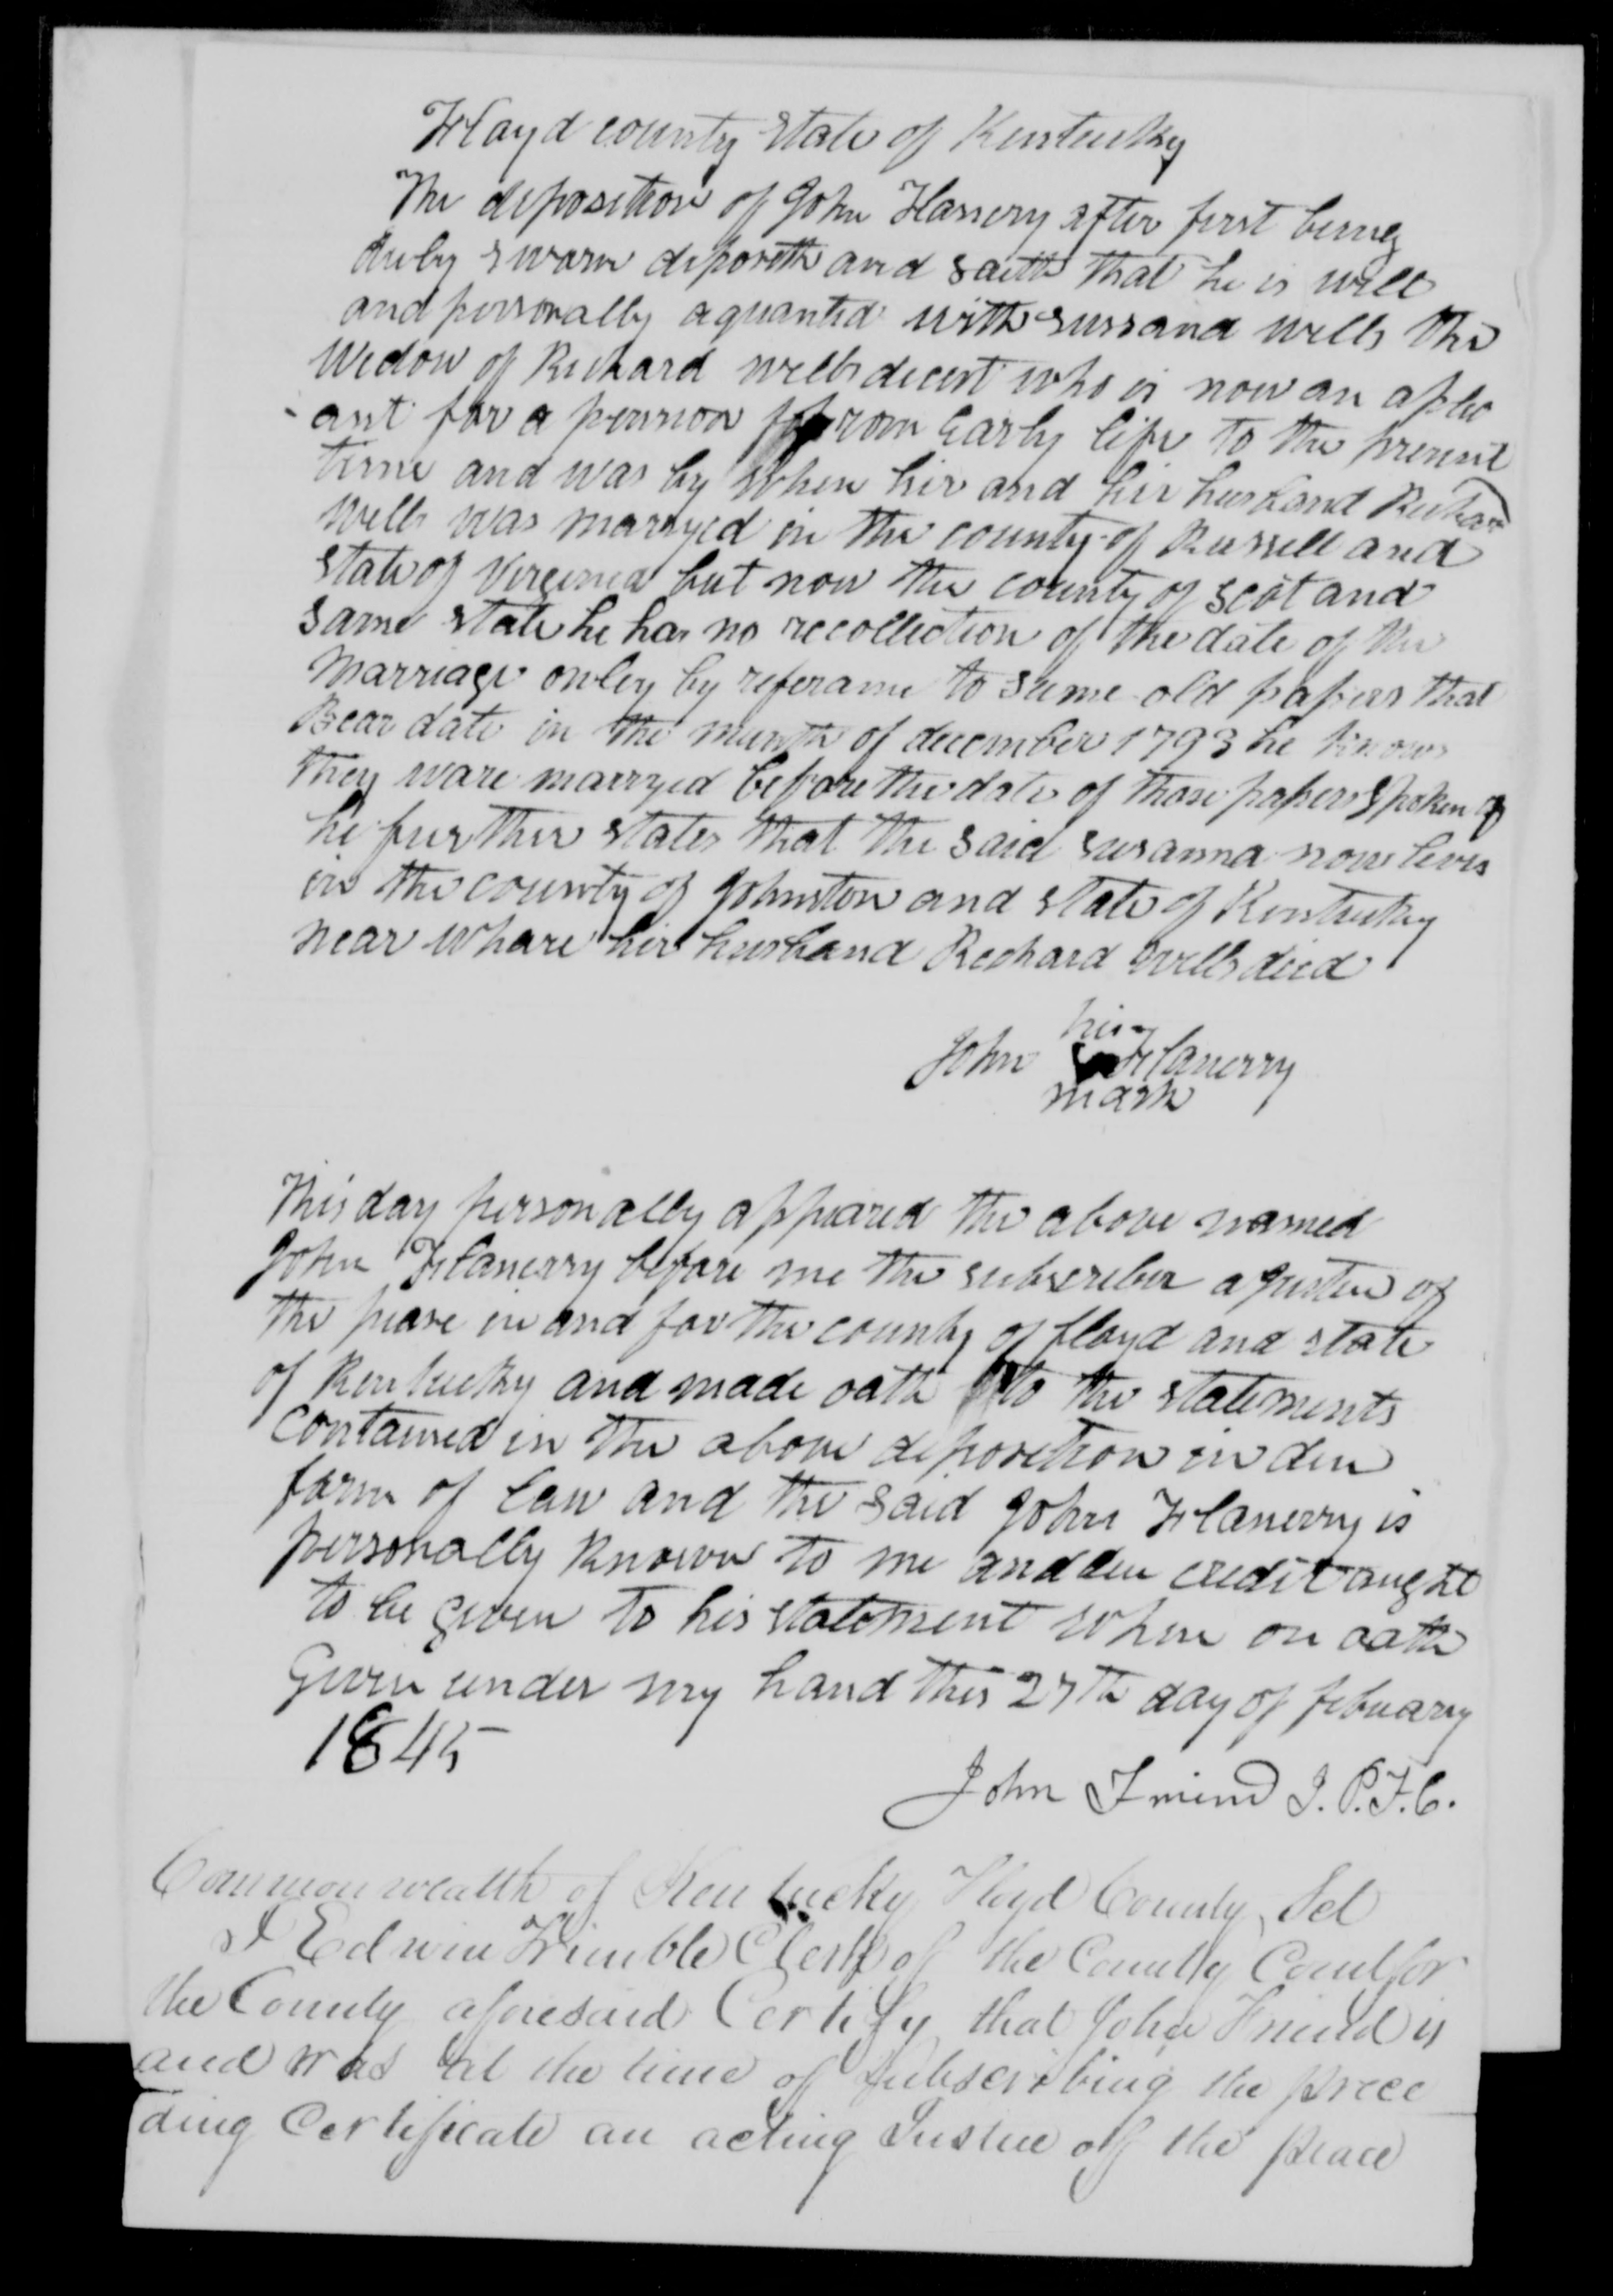Floyd County State of Kentucky
The deposition of John Flanery after first being
duly sworn deposeth and saith that he is well
and personally aquianted with Susanna Wells, the
Widow of Richard Wells decest, who is now an applicant
 for a pension, from early life to the present
time and was by when her and her husband Richard
 Wells was marryed in the County of Russell and
State of Virginia but now the County of Seat and
same State. he has no recollection of the date of the
Marriage only by referance to some old papers that
Bear date in the month of December 1793. he knows
they were marryed before the date of these papers Spoken &
he further states that the said Susanna now lives
in the County of Johnston and State of Kentucky
near where her husband Richard Wells died.
John Flanery his mark

This day personally appeared the above named
John Flanery before me the subscriber a Justice of
of Kentucky and made oath to the statement
contained in the above deposition in due
form of law and the said John Flannery is
personally known to me and the credit ought
to be given to his statement when on oath.
Given under my hand this 27th day of Febuary
1845
John Friend J.P.F.C.

Commonwealth of Kentucky Floyd County Set
I Edwin Trimble Clerk of the County Court for
County aforesaid certify that John Friend is and
was at the time of subscribing the preceding
Certificate an acting Justice of the Peace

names: John Friend, Richard Wells, Edwin Trimble, Sussana Wells, John Flanery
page: 63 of 100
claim: widow's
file: W. 6437, Richard Wells, Ga Va.